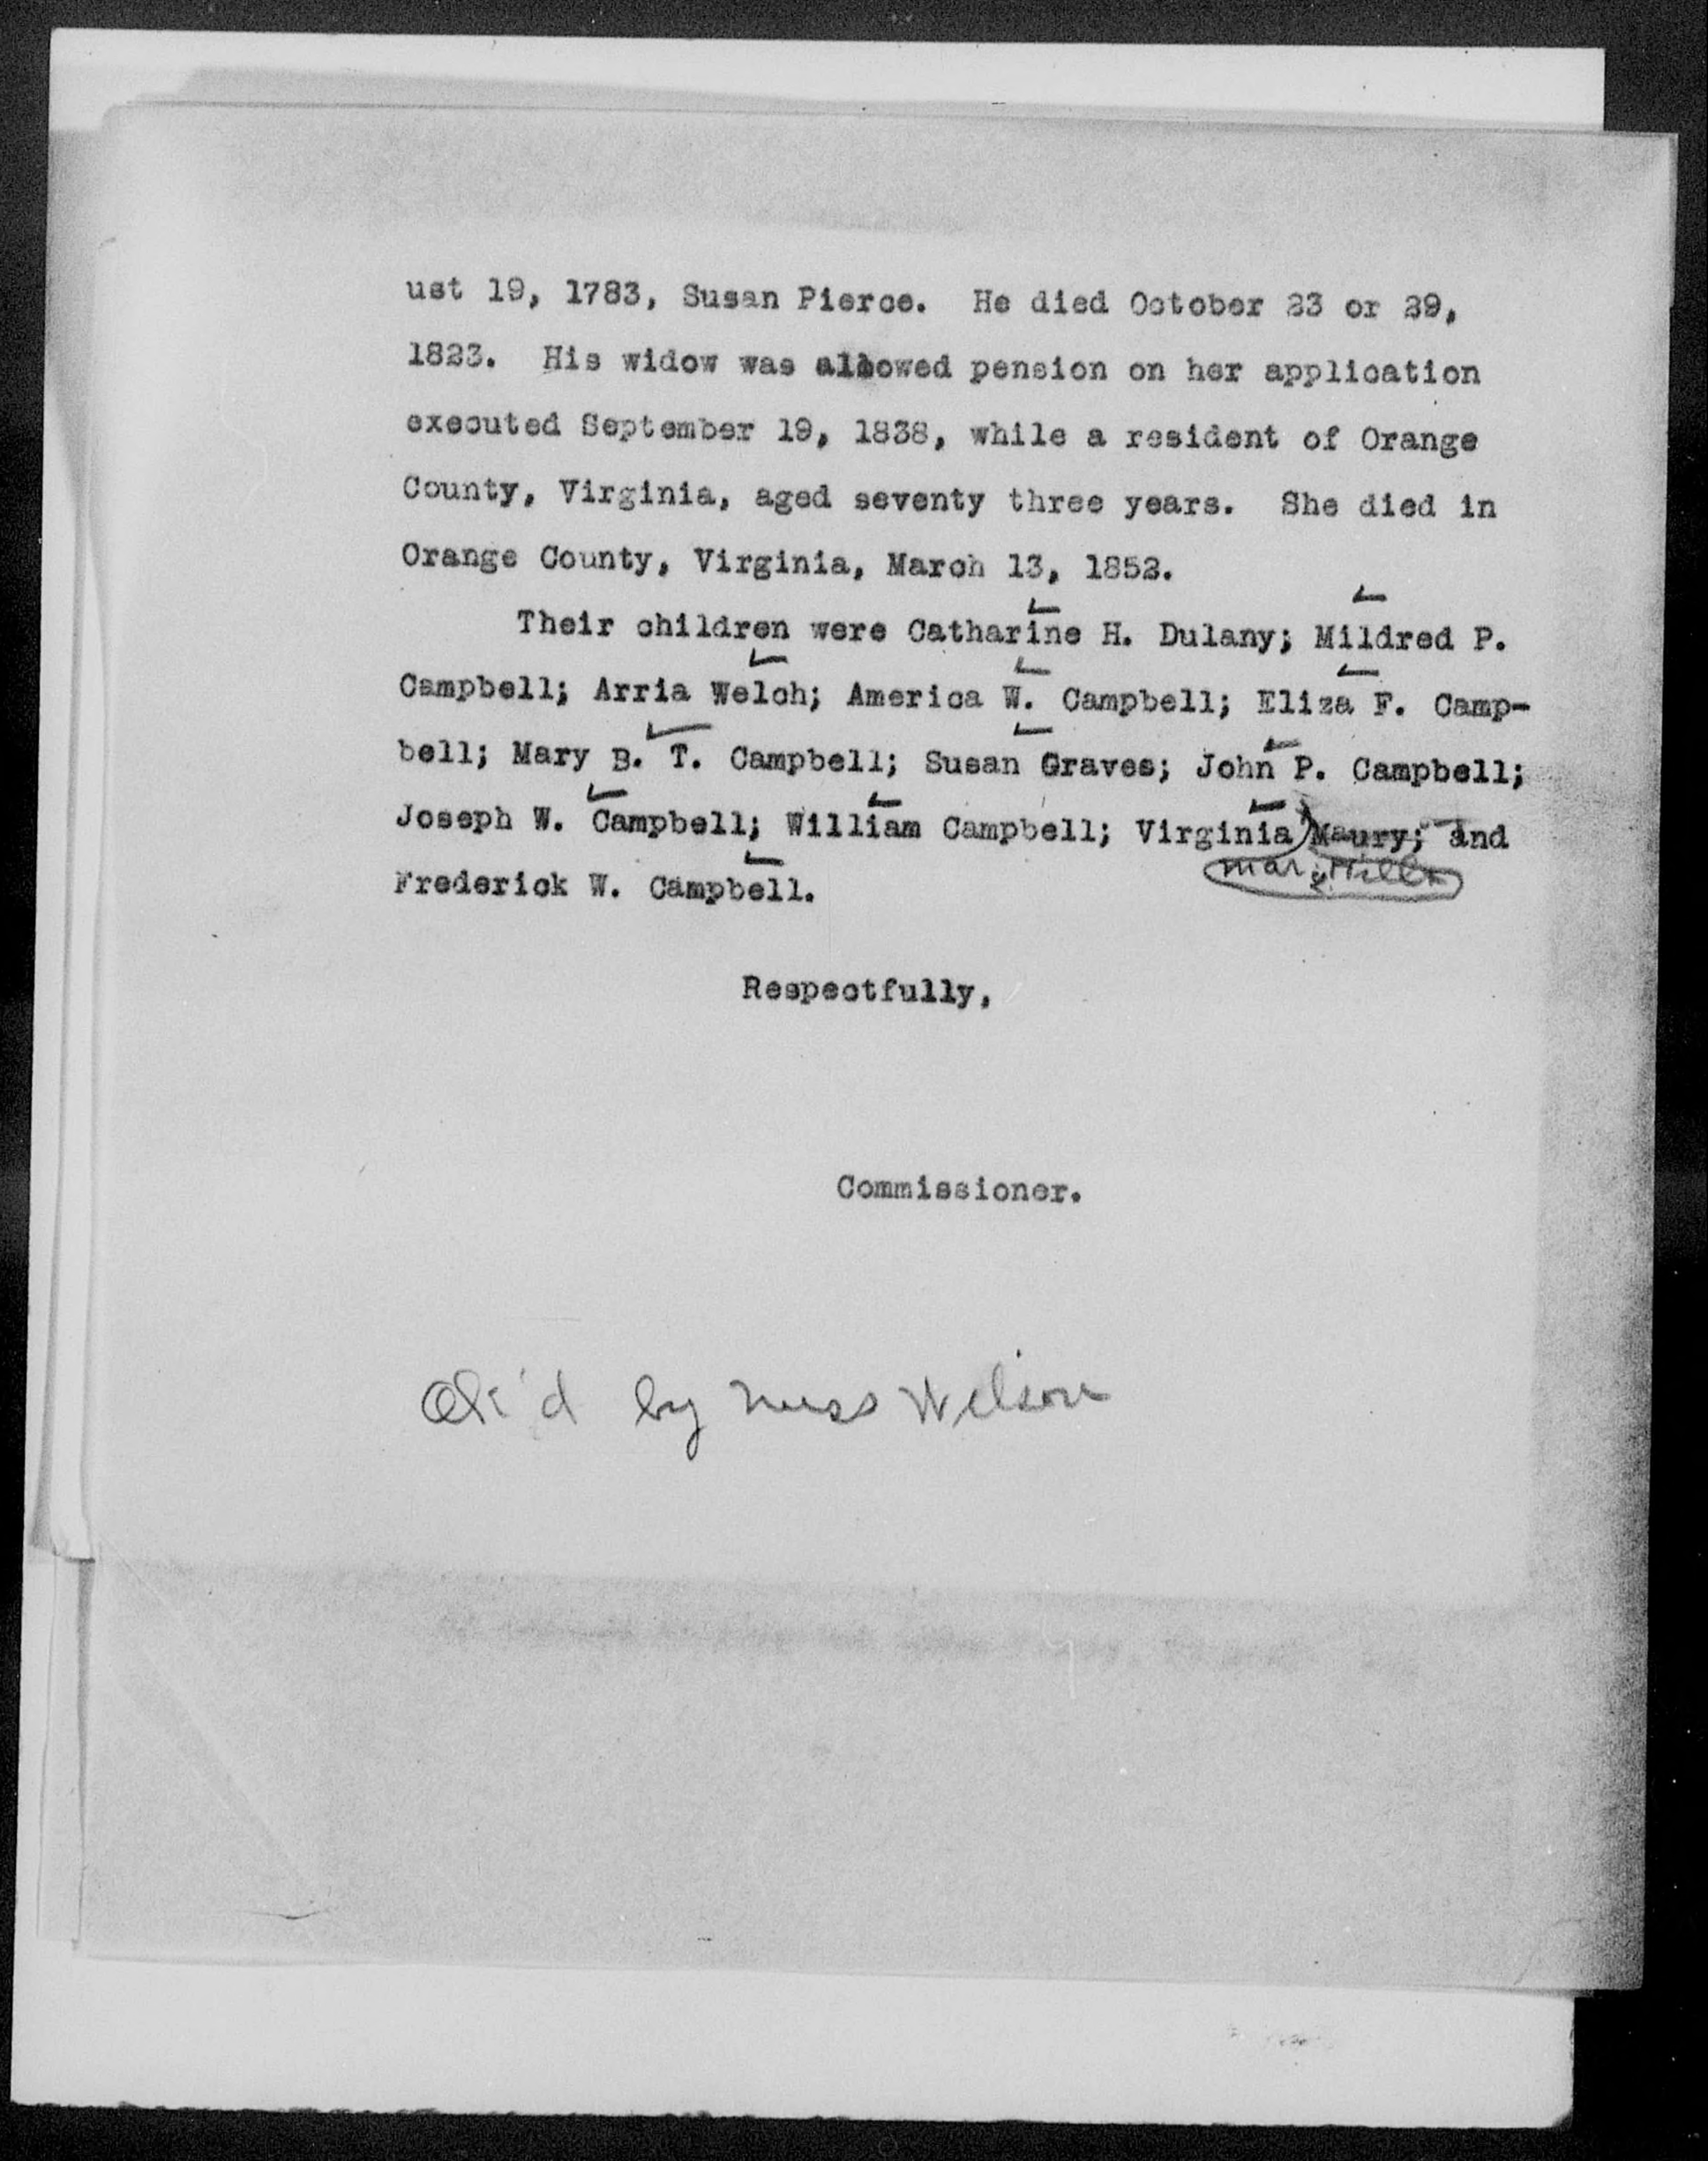ust 19, 1783, Susan Pierce. He died October 23 or 29, 1823. His widow was allowed pension on her application executed September 19, 1838, while a resident of Orange County, Virginia, aged seventy three years. She died in Orange County, Virginia, March 13, 1852.
Their children were Catharine H. Dulany; Mildred P. Campbell; Arria Welch; America W. Campbell; Eliza F. Campbell; Mary B. T. Campbell; Susan Graves; John P. Campbell, Joseph W. Campbell, William Campbell; Virginia mar. Hills Maury; and Frederick W. Campbell.

Respectfully,
Commissioner.

[?] by Miss Wilson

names: America W Campbell, Virginia Maury, Eliza F Campbell, Susan Graves, Arria Welch, John P Campbell, Mildred P Campbell, William Campbell, Frederick W Campbell, Mary B T Campbell, Wilson, Joseph W Campbell, Hill Maury, Catharine H Dulany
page: 260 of 267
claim: widow's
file: W. 4,149, William Campbell, Va.